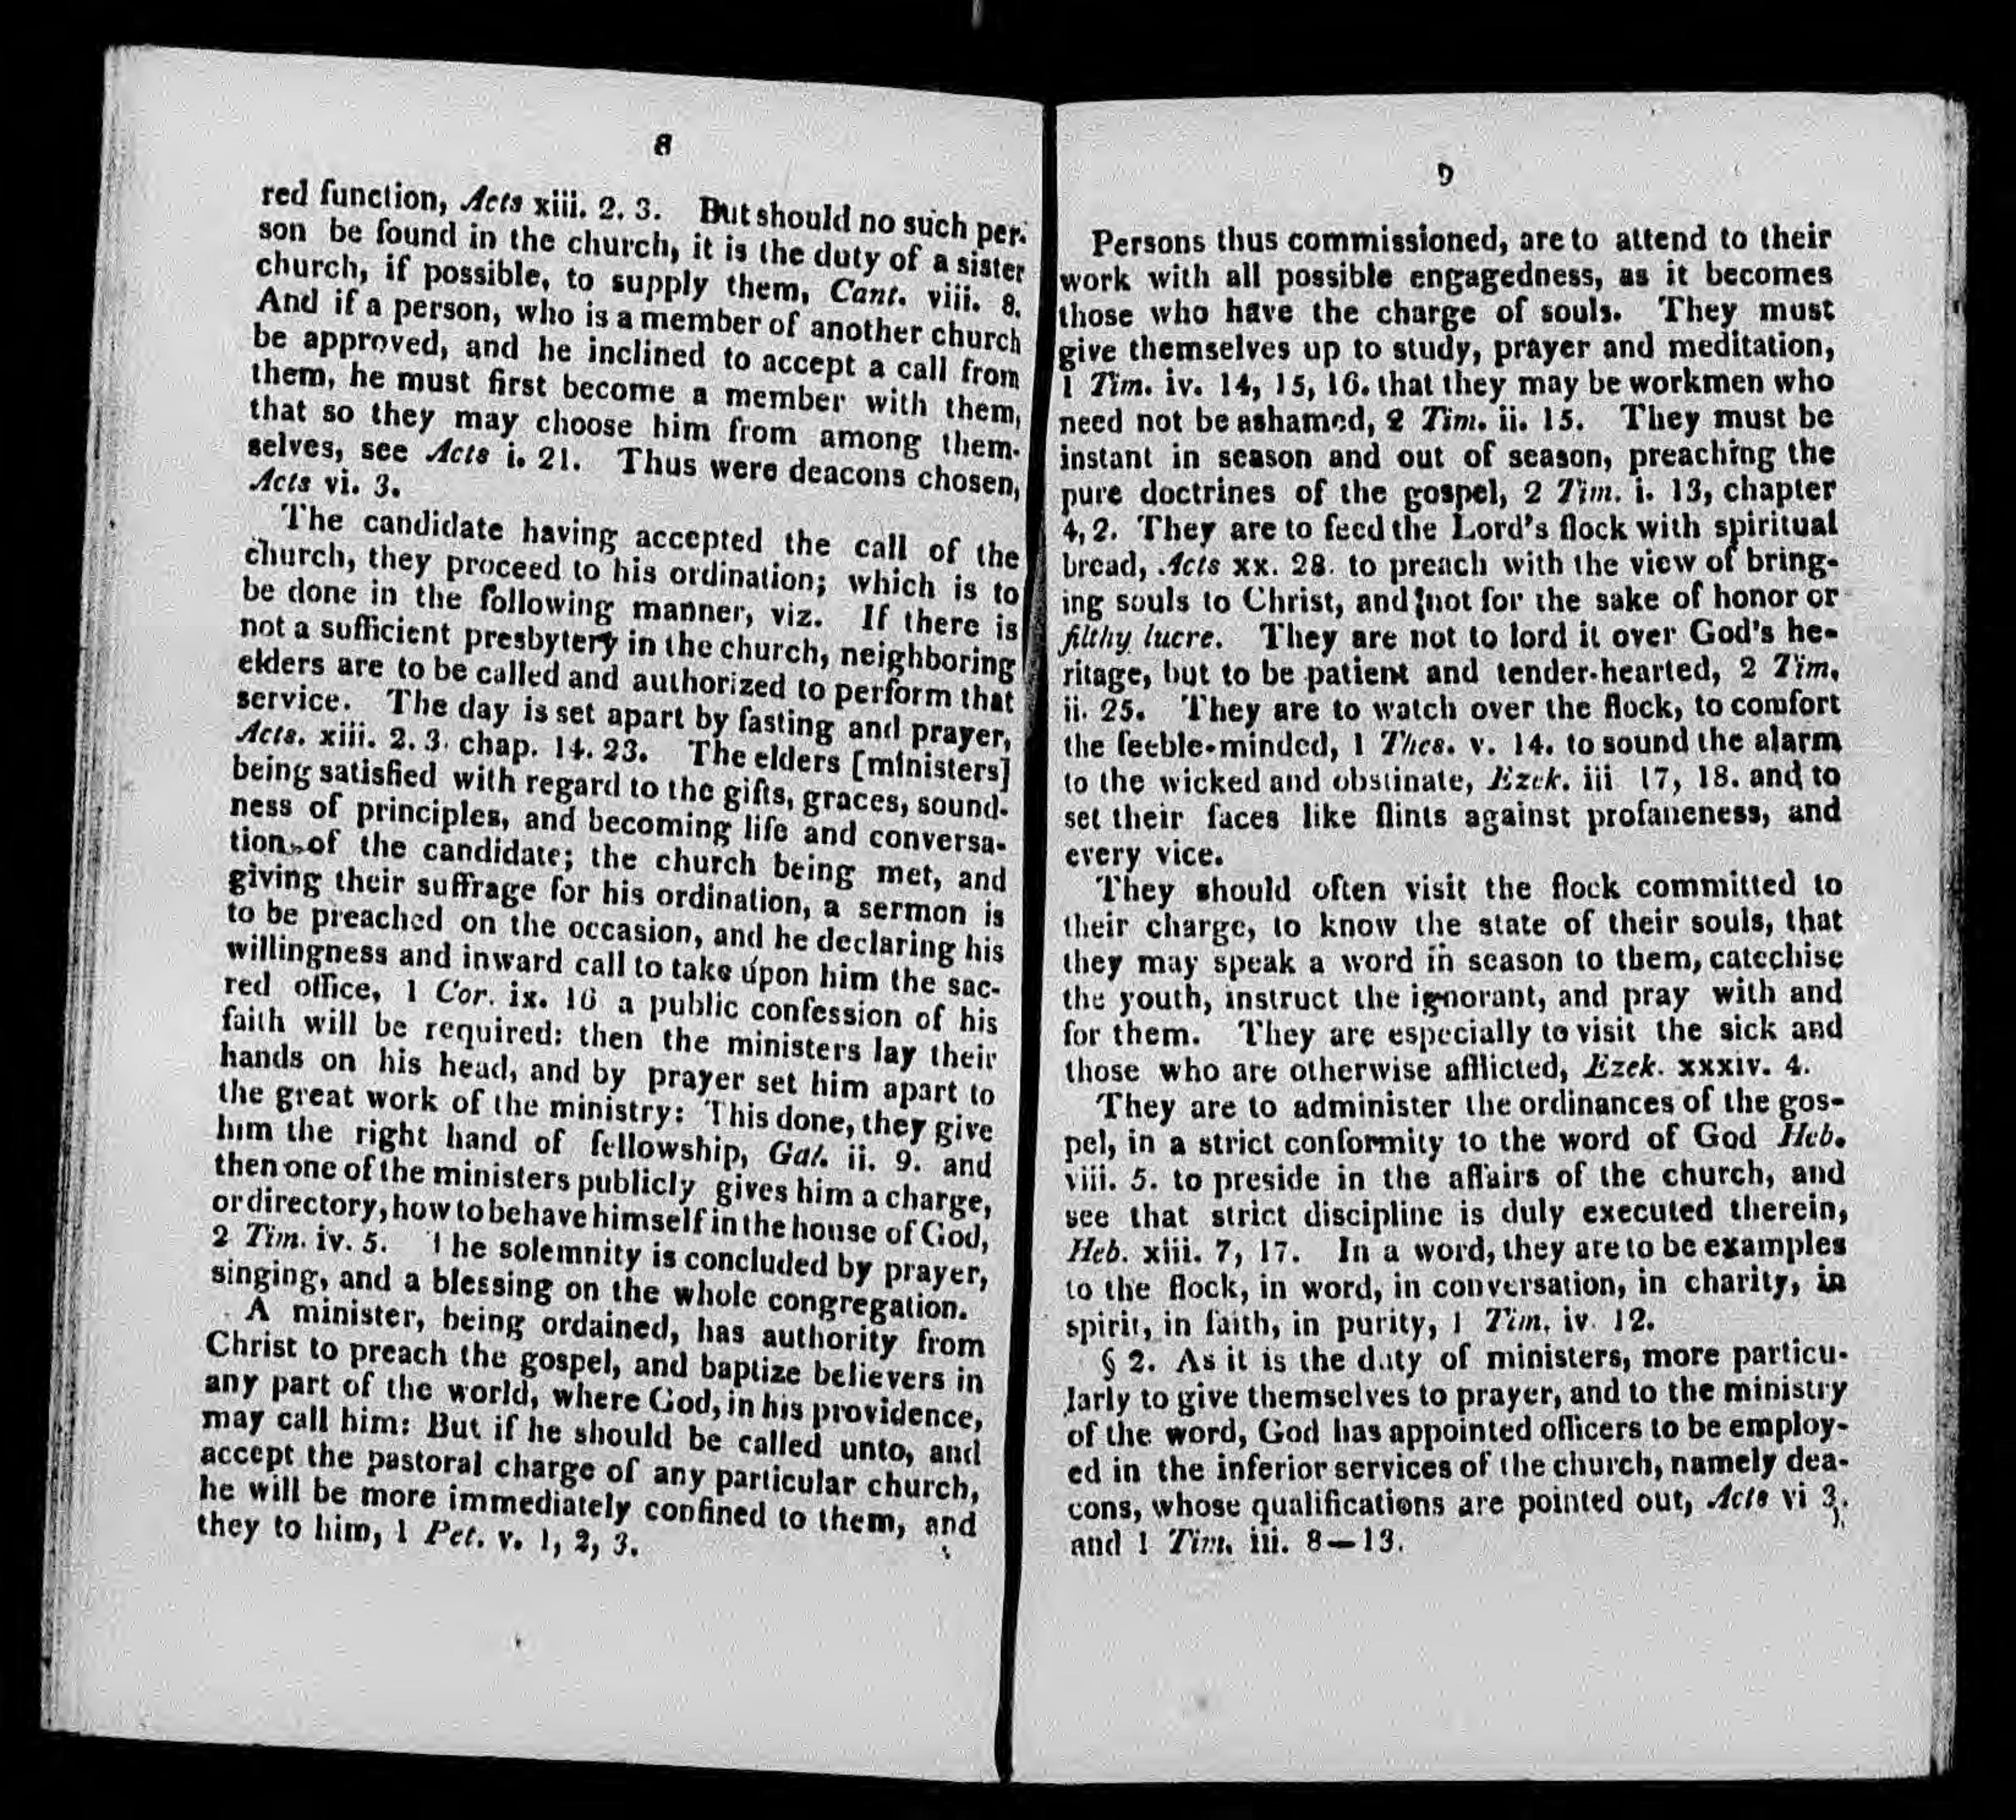8

red function, Acts iii. 2. 3. But should no such person be found in the church, it is the duty of a sister church, if possible, to supply them, Cant. viii. 8. And if a person, who is a member of another church be approved, and he inclined to accept a call from them, he must first become a member with them, that so they may choose him from among themselves, see Acts i. 21. Thus were deacons chosen Act vi. 3.
The candidate having accepted the call of the church, they proceed to his ordination; which is to be done in the following manner, viz. If there is not a sufficient presbytery in the church, neighboring elders are to be called and authorized to perform that service. The day is set apart by fasting and prayer, Acts. xiii. 2. 3.  chap.13. 23. . The elders [ministers] being satisfied with regard to the gifts, graces, soundness of principles, and becoming life and conversation of the candidate; the church being met and giving their suffrage for his ordination, a sermon is to be preached on the occasion, and he declaring his willingness and inward call to take upon him the sacred office, 1 Cor. ix. 16 a public confession of his faith will be required: then the ministers lay their hands on his head, and by prayer set him apart to the great work of the ministry: This done, they give him the right hand of fellowship, Gal. ii. 9. and then one of the ministers publicly gives him a charge, or directory, how to behave himself in the house of God, 2 Tim. iv. 5. The solemnity is concluded by prayer, singing, and a blessing on the whole congregation.
A minister, being ordained, has authority from Christ to preach the gospel, and baptize believers in any part of the world, where God, in his providence, may call him: But if he should be called unto, and accept the pastoral charge of any particular church, he will be more immediately confined to them, and
they to him, 1 Pet v. 1, 2, 3.

9

Persons thus commissioned, are to attend to their work with all possible engagedness, as it becomes those who have the charge of souls. They must give themselves up to study, prayer and meditation, 1 Tim. iv. 14, 15, 16. that they may be workmen who need not be ashamed, 2 Tim. ii. 15. They must be instant in season and out of season, preaching the pure doctrines of the gospel, 2 Tim. i. 13, chapter 4, 2. They are to feed the Lord's flock with spiritual bread, Acts xx. 28. to preach with the view of bringing souls to Christ, and not for the sake of honor or flthy lucre. They are not to lord it over God's heritage, but to be patient and tender-hearted, 2 Tim. ii. 25. They are to watch over the flock, to comfort the feeble-minded, 1 Thes v. 14. to sound the alarm to the wicked and obstinate, Ezek. iii. 17, 18. and to set their faces like flints against profaneness, and every vice.
They should often visit the flock committed to their charge, to know the state of their souls, that they may speak a word in season to them, catechise the youth, instruct the ignorant, and pray with and for them. They are especially to visit the sick and those who are otherwise afflicted, Ezek. xxxiv. 4.
They are to administer the ordinances of the gospel in a strict conformity to the word of God Heb. viii. 5. to preside in the affairs of the church, and see that strict discipline is duly executed therein, Heb. xiii. 7, 17. In a word, they are to be examples to the flock, in word, in conversation, in charity, in spirit, in faith, in purity, I Tim. iv 12.
2. As it is the duty of ministers, more particularly to give themselves to prayer, and to the ministry of the word, God has appointed officers to be employed in the inferior services of the church, namely deacons, whose qualifications are pointed out, Acts vi. 3. and 1 Tim iii. 8-13.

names: Ezek, Tim, Pet, Tim, Tim, Tim, Tim, Ezek, Tim, Tim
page: 50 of 98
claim: widow's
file: W. 8398, William Broadway, S.C.